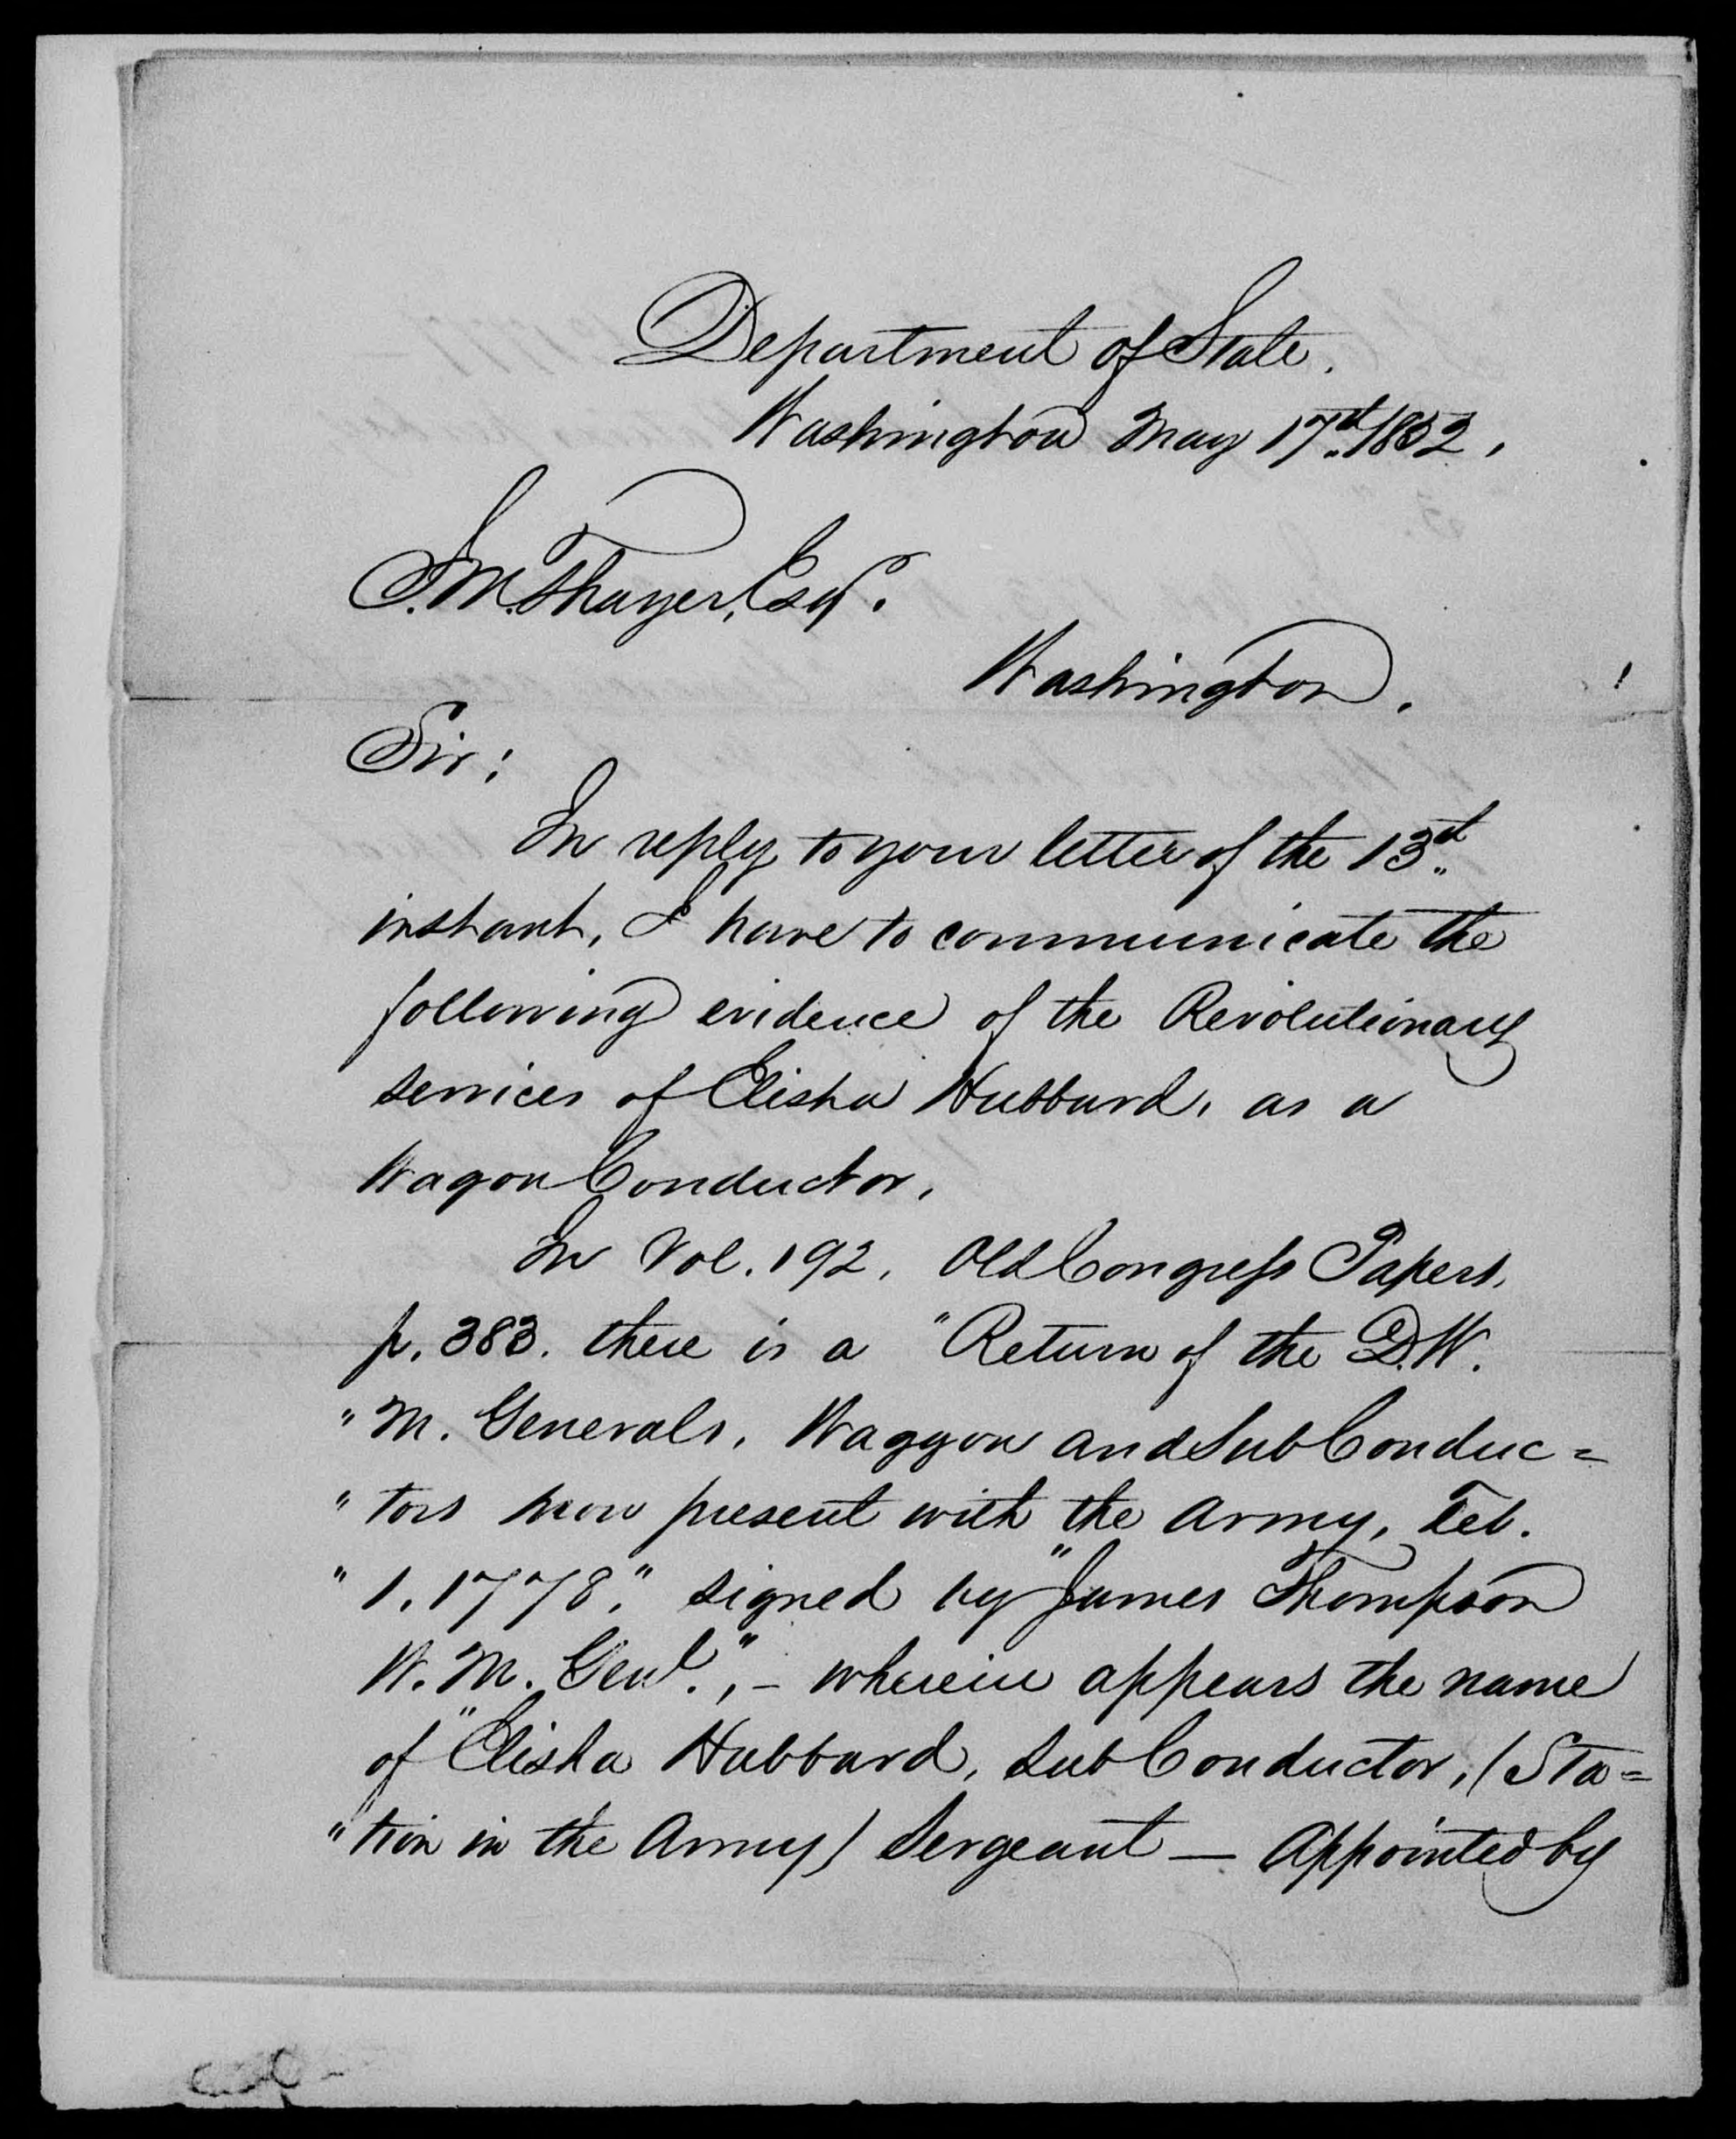Department of State.
Washington May 17th. 1852

J. M. Thayer, Esq.
Washington

Sir:
In reply to your letter of the 13th instant, I have to communicate the following evidence of the Revolutionary services of Elisha Hubbard, as a Wagon Conductor.

In Vol. 192. Old Congress Papers, p. 383. there is a "Return of the D.W. M. Generals. Waggon and Sub Conductors now present with the army, Feb. 1, 1778." signed by " James Thompson W.M. Gen l.", - wherein appears the name of Elisha Hubbard, SubConductor. (Station in the Army) Sergeant---Appointed by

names: James Thompson, J M Thayer, Elisha Hubbard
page: 42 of 63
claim: survivor's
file: S. 18457, Elisha Hubbard, Conn. Continental